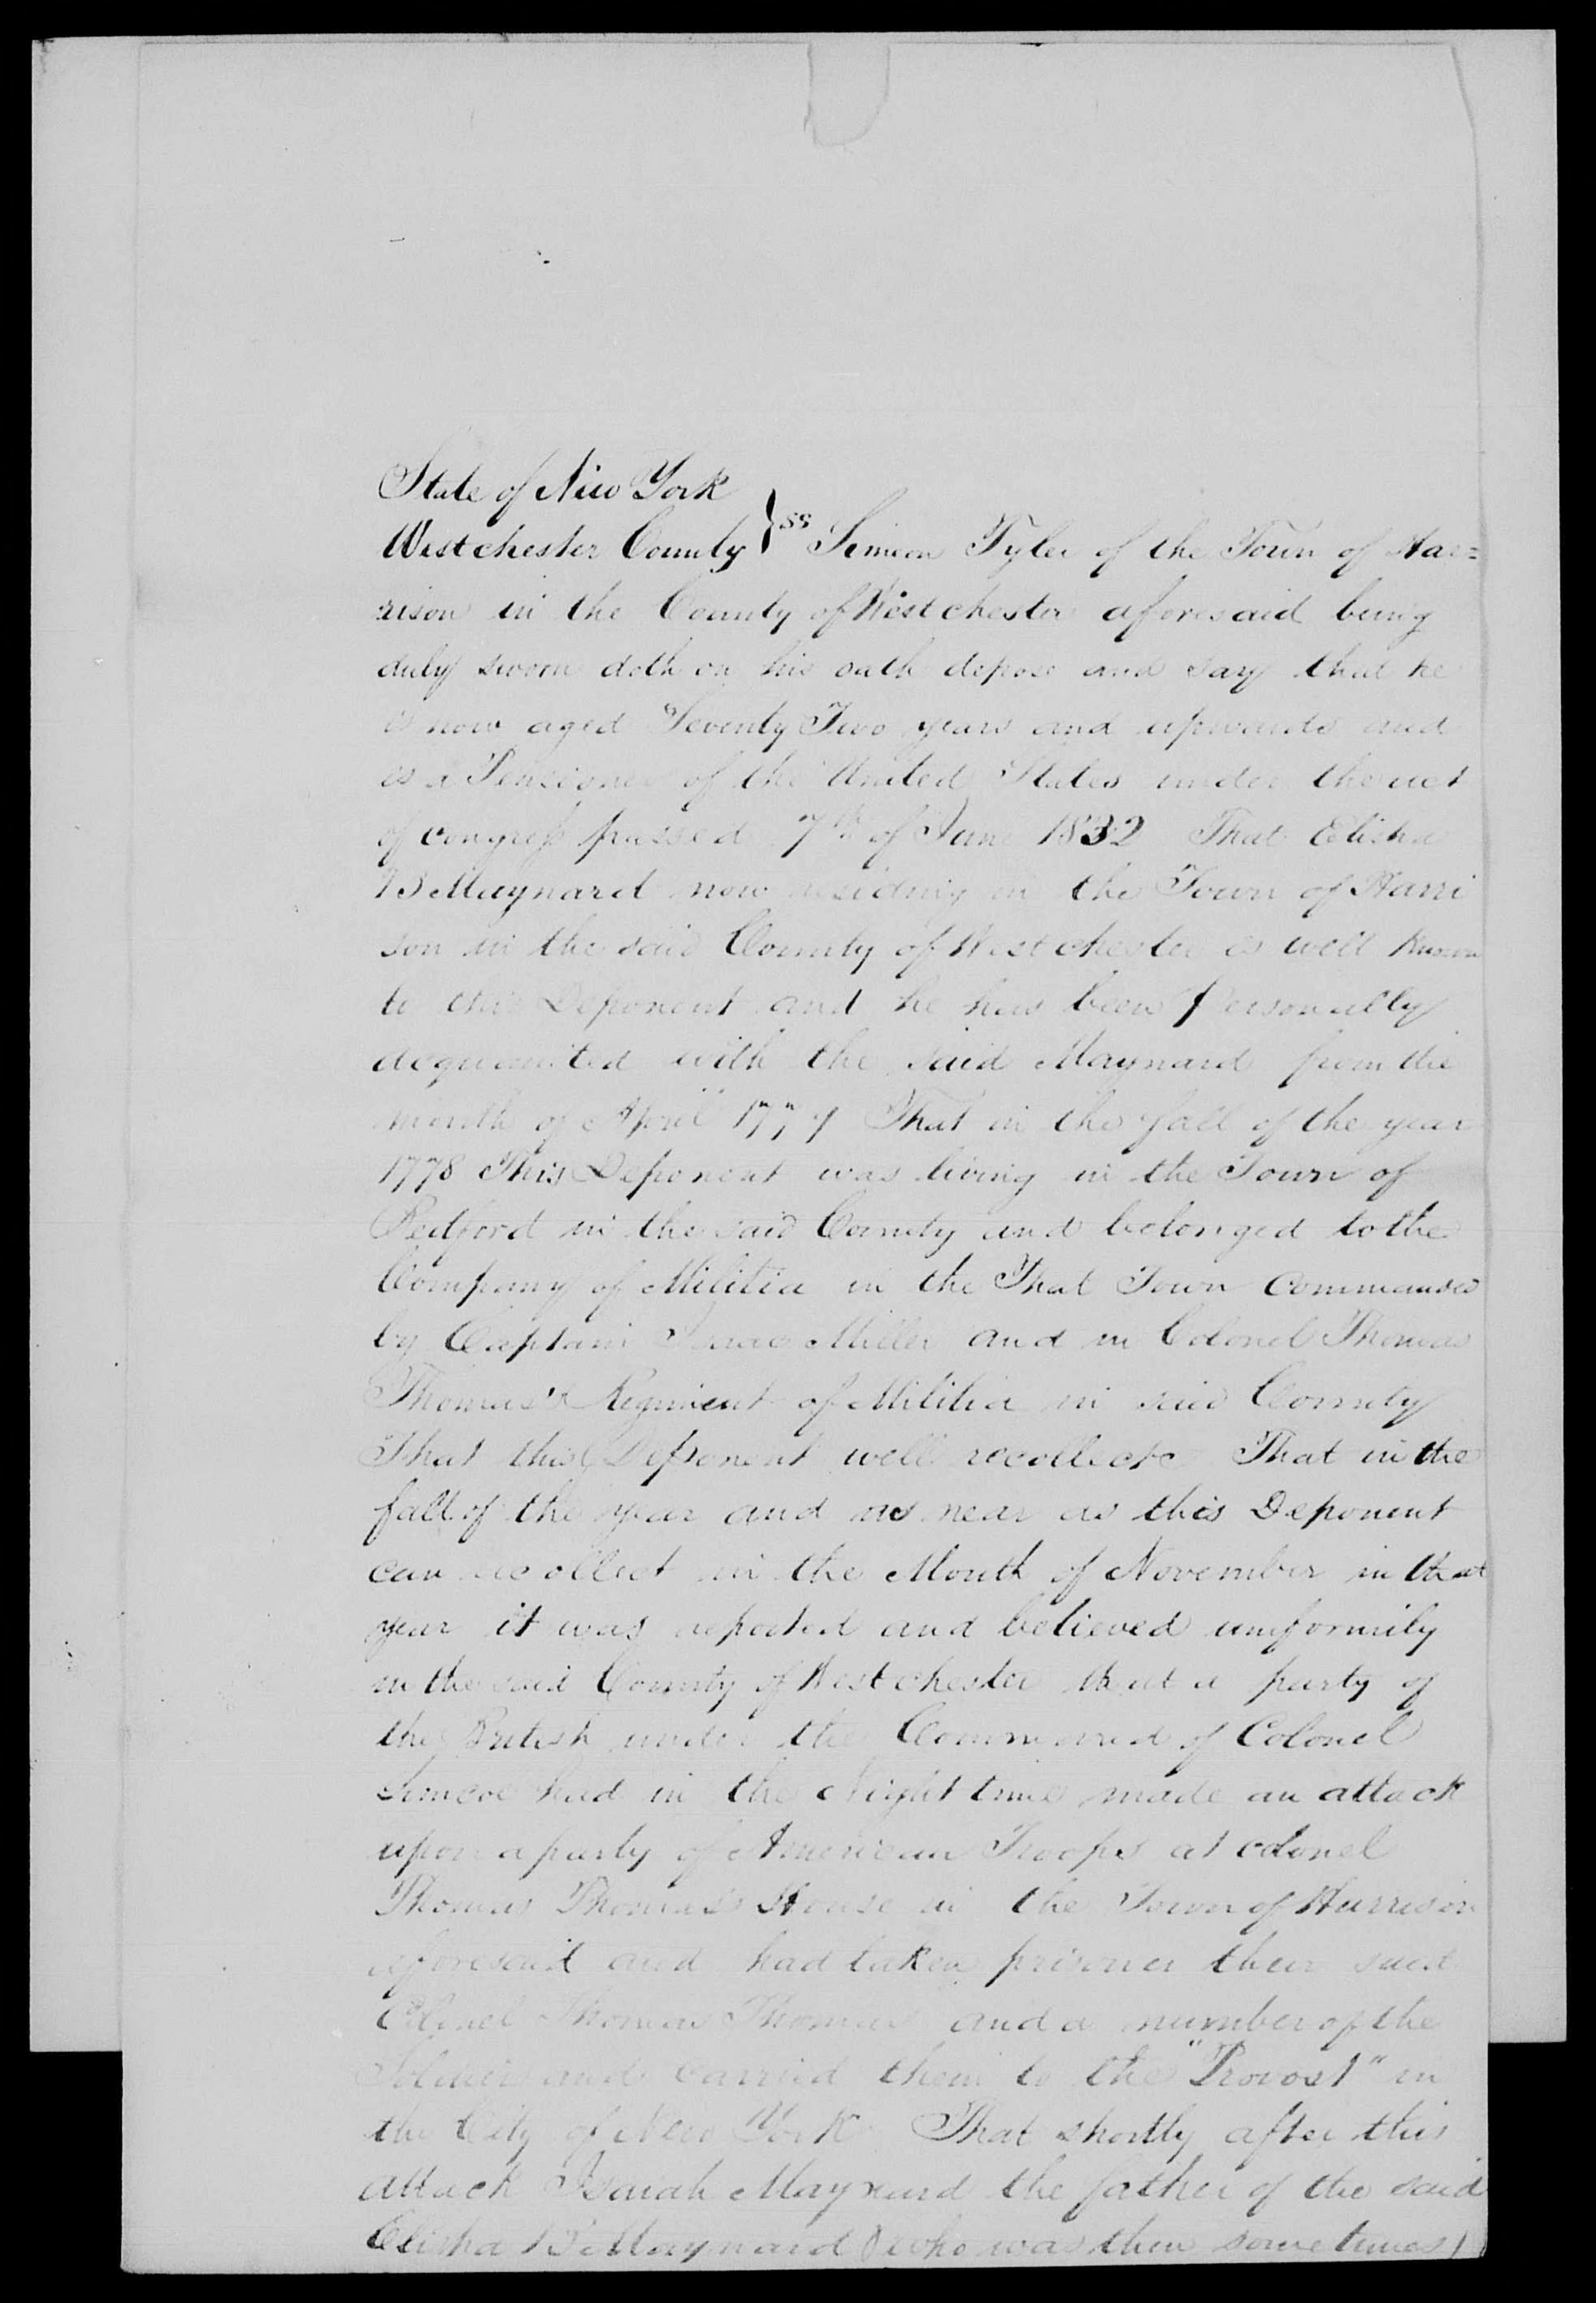State of New York}
Westchester County} ss: 
Simeon Tyler of the Town of Harrison in the County of Westchester aforesaid being duly sworn doth on his oath depose and say that he is now aged Seventy Two years and upwards and is a Pensioner of the United States under the act of congress passed 7th of June 1832. That Elisha B Maynard now residing in the Town of Harrison in the said County of Westchester is well known to this Deponent and he has been Personally acquainted with the said Maynard from the month of April 1779 That in the fall of the year 1778 This Deponent was living in the Town of Bedford in the said County and belonged to the Company of Militia in the That Town Commanded by Captain Isaac Miller and in Colonel Thomas Thomas's Regiment of Militia in said County That this Deponent well recollects That in the fall of the year and as near as this Deponent can recollect in the Month of November in that year it was reported and believed uniformily in the said County of Westchester that a party of the British under the Command of Colonel Simcoe had in the Night time made an attack upon a party of American Troops at colonel Thomas Thomas's House in the Town of Harrison aforesaid and had taken prisoner their said Colonel Thomas Thomas and a number of the Soldier and carried them to the "Provost" in the City of New York That shortly after this attack Isaiah Maynard the father of the said Elisha B Maynard  (who was then sometimes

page: 14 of 33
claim: rejected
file: R. 7,063, for Elisha B Maynard, New York